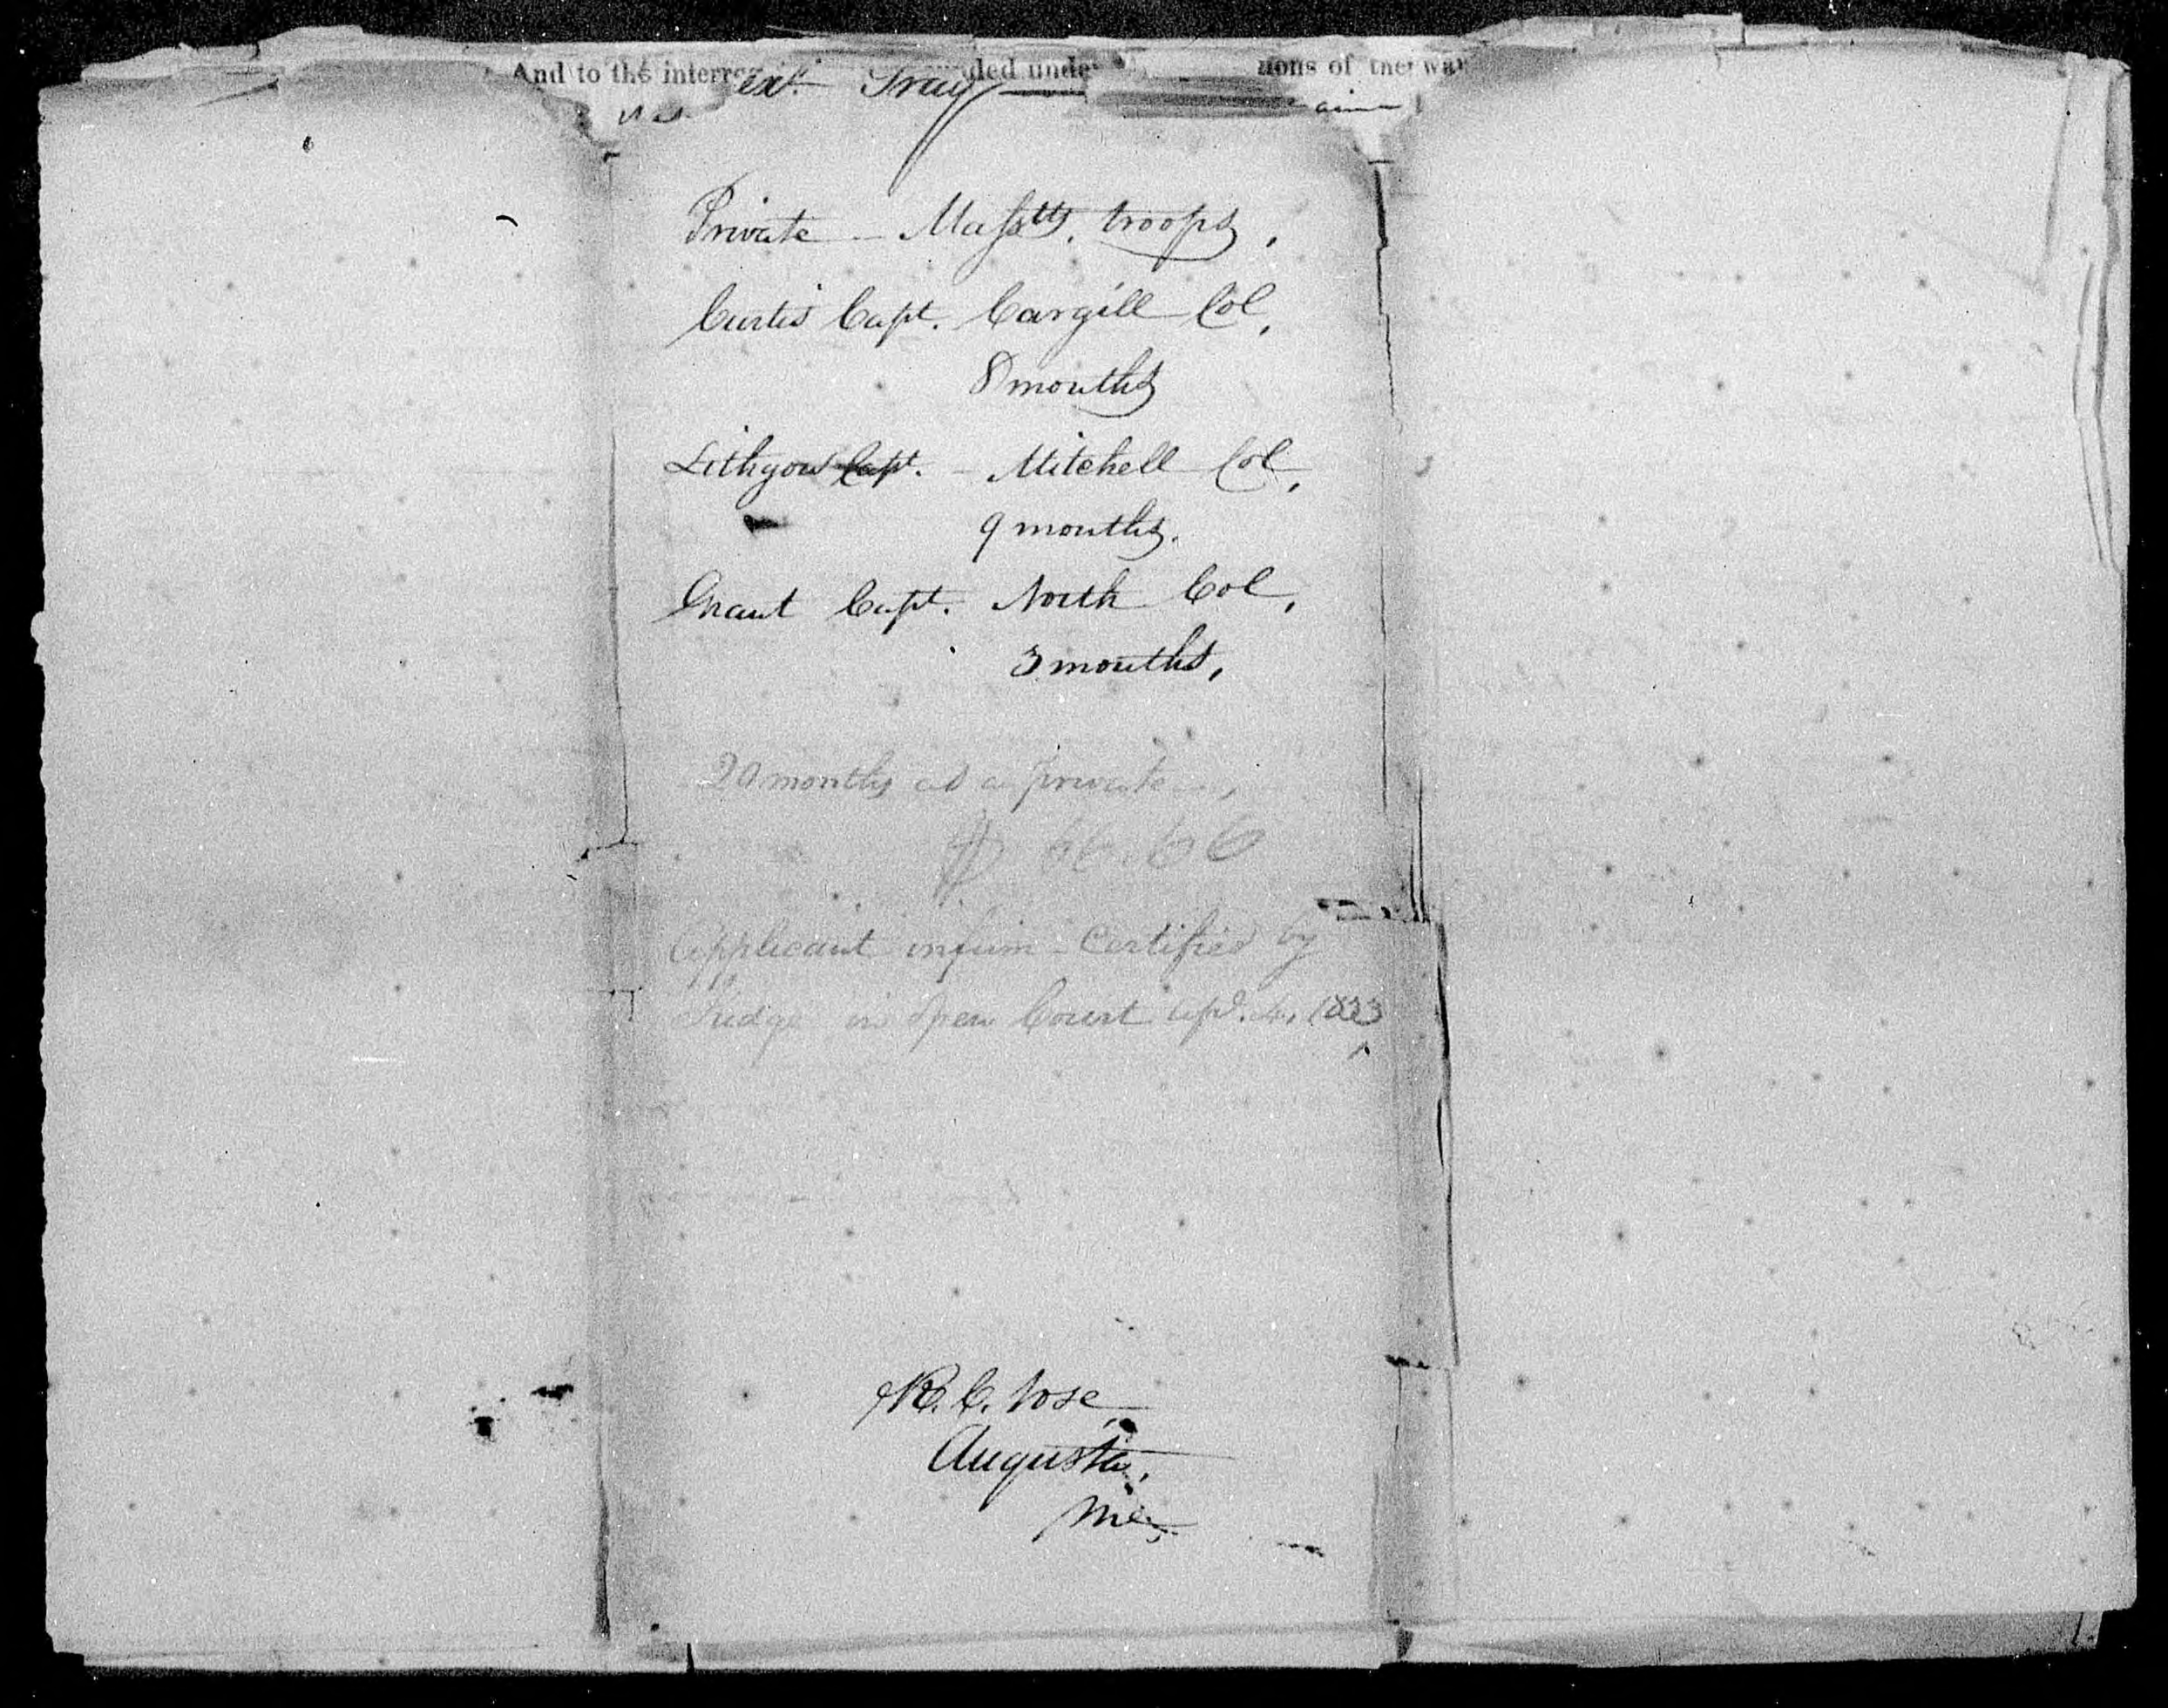Alexander Gray

Private Masst. troops
Curtis Capt. Cargill Col.
8 months

Lithgow Capt. Mitchell Col.
9 months

Grant Capt. North Col.
3 months

20 months as a private
$66.66
Applicant infirm Certified by
Judge in open Court Apl 4, 1833

R. C. Vose 
Augusta,
Me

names: North, Grant, Curtis, Lithgow, R C Vose, Mitchell, Cargill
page: 10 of 13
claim: survivor's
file: S. 18845, Alexander Gray, Mass.